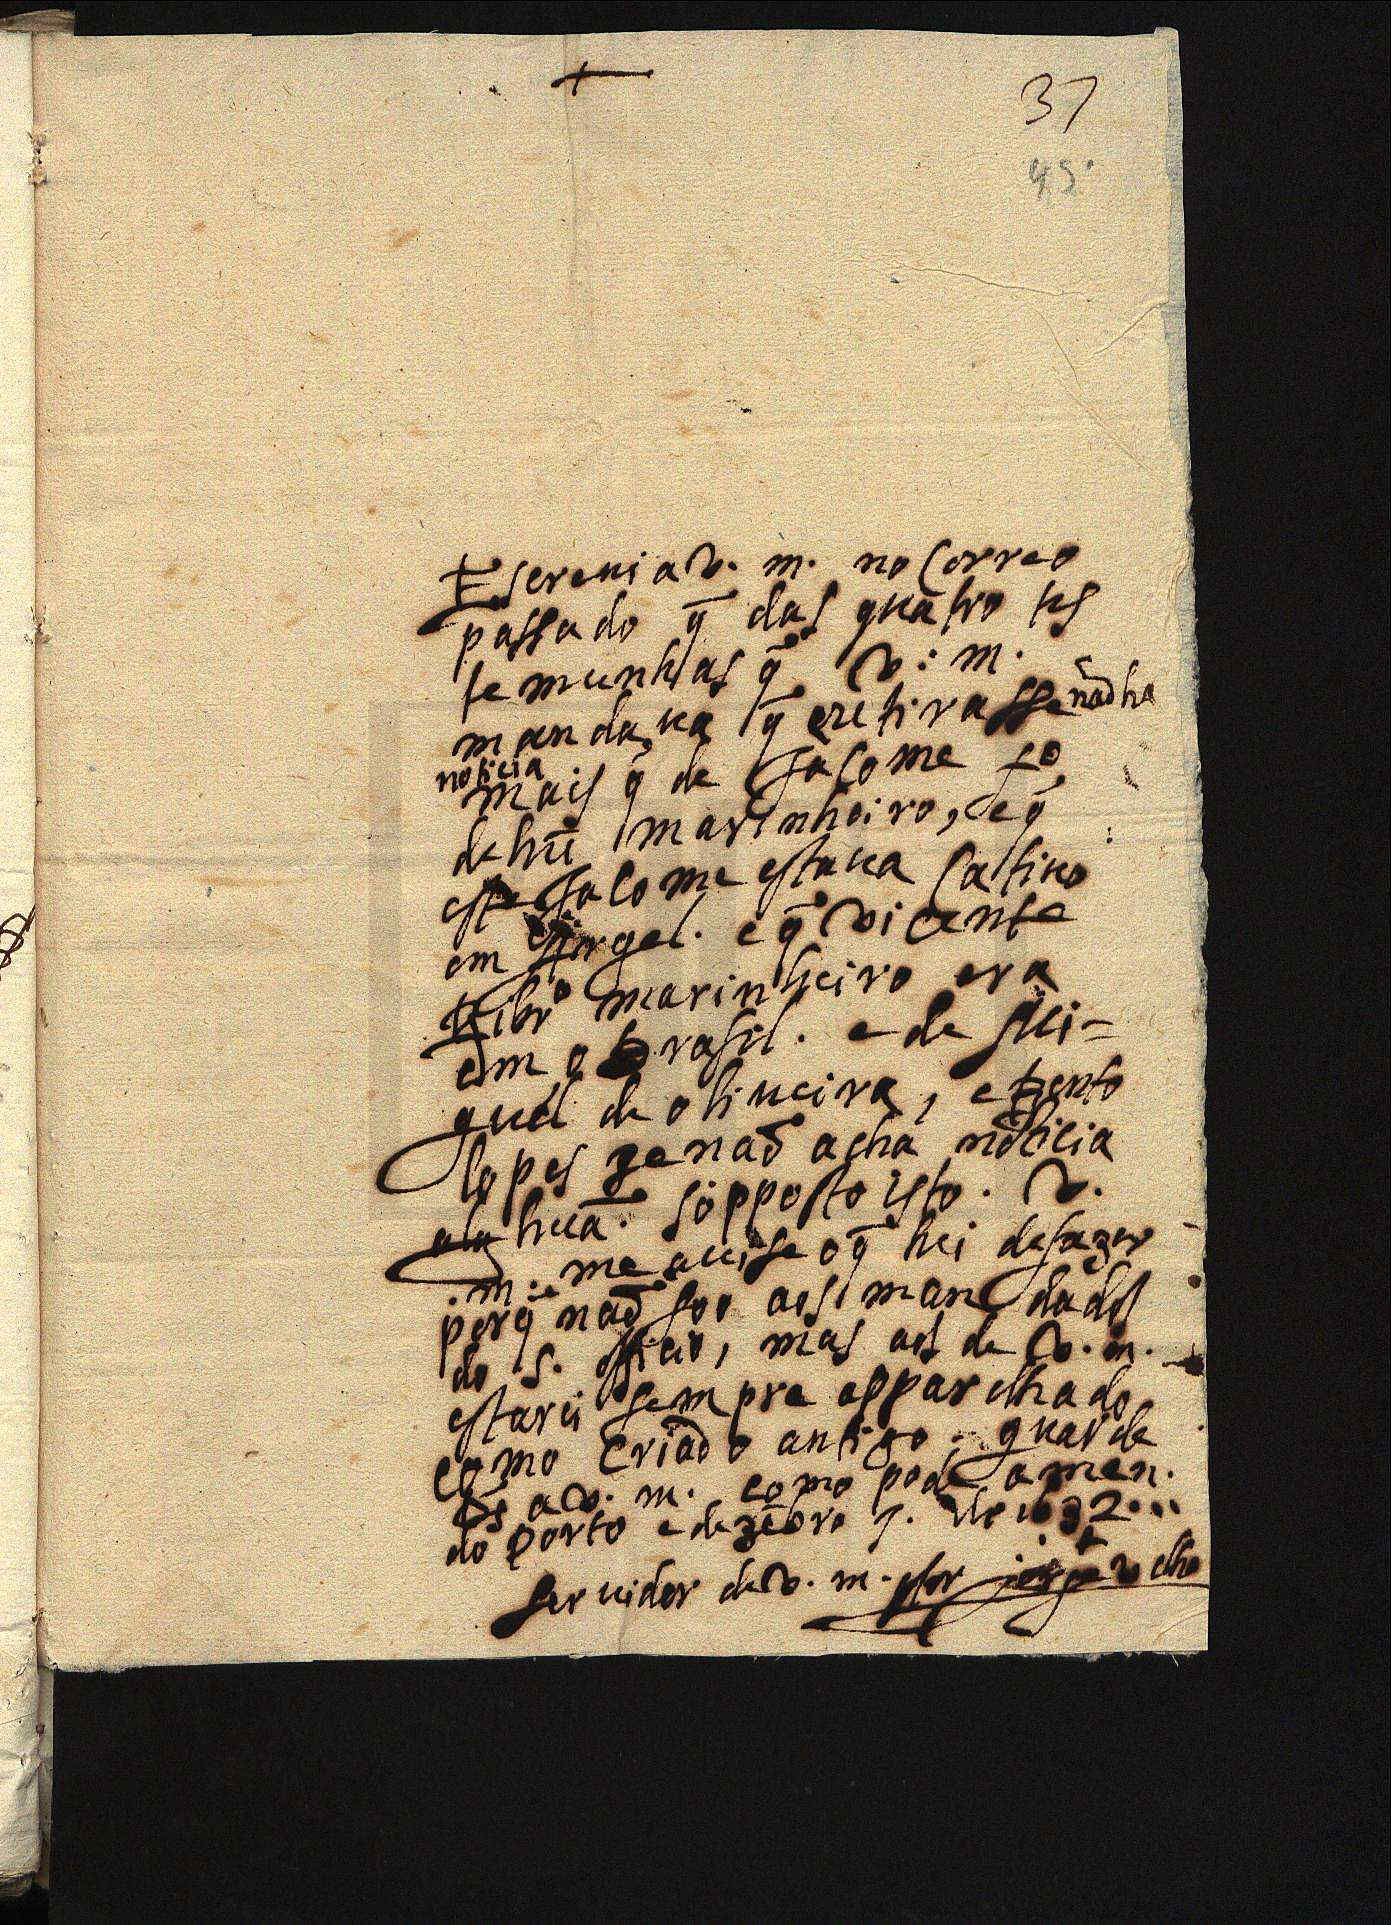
Escreui a v. m. no Correo
passado q̄ das quatro tes
temunhas q̄ v: m.
mandaua q̄ eu tirasse não ha
noticia
mais q̄ de Jacome fo
de hu̅ marinheiro, e q̄
este Jacome estaua Catiuo
em Arrgel. e q̄ vicente
Ribro marinheiro era
em o brasil. e de Mi
guél de oliueira, e bento
lopes se naõ acha noticia
alghuā. sopposto isto. v.
.m. me auise o q̄ hei de fazer
porq̄ naõ foi assi mandado
do S. officio, mas aos de v. m.
estarei sempre apparelhado
como Criado antigo. guarde
Ds̄ a v. m. como pode amen.
do porto a dezēbro 7. de 1632.
seruidor de v. m.
